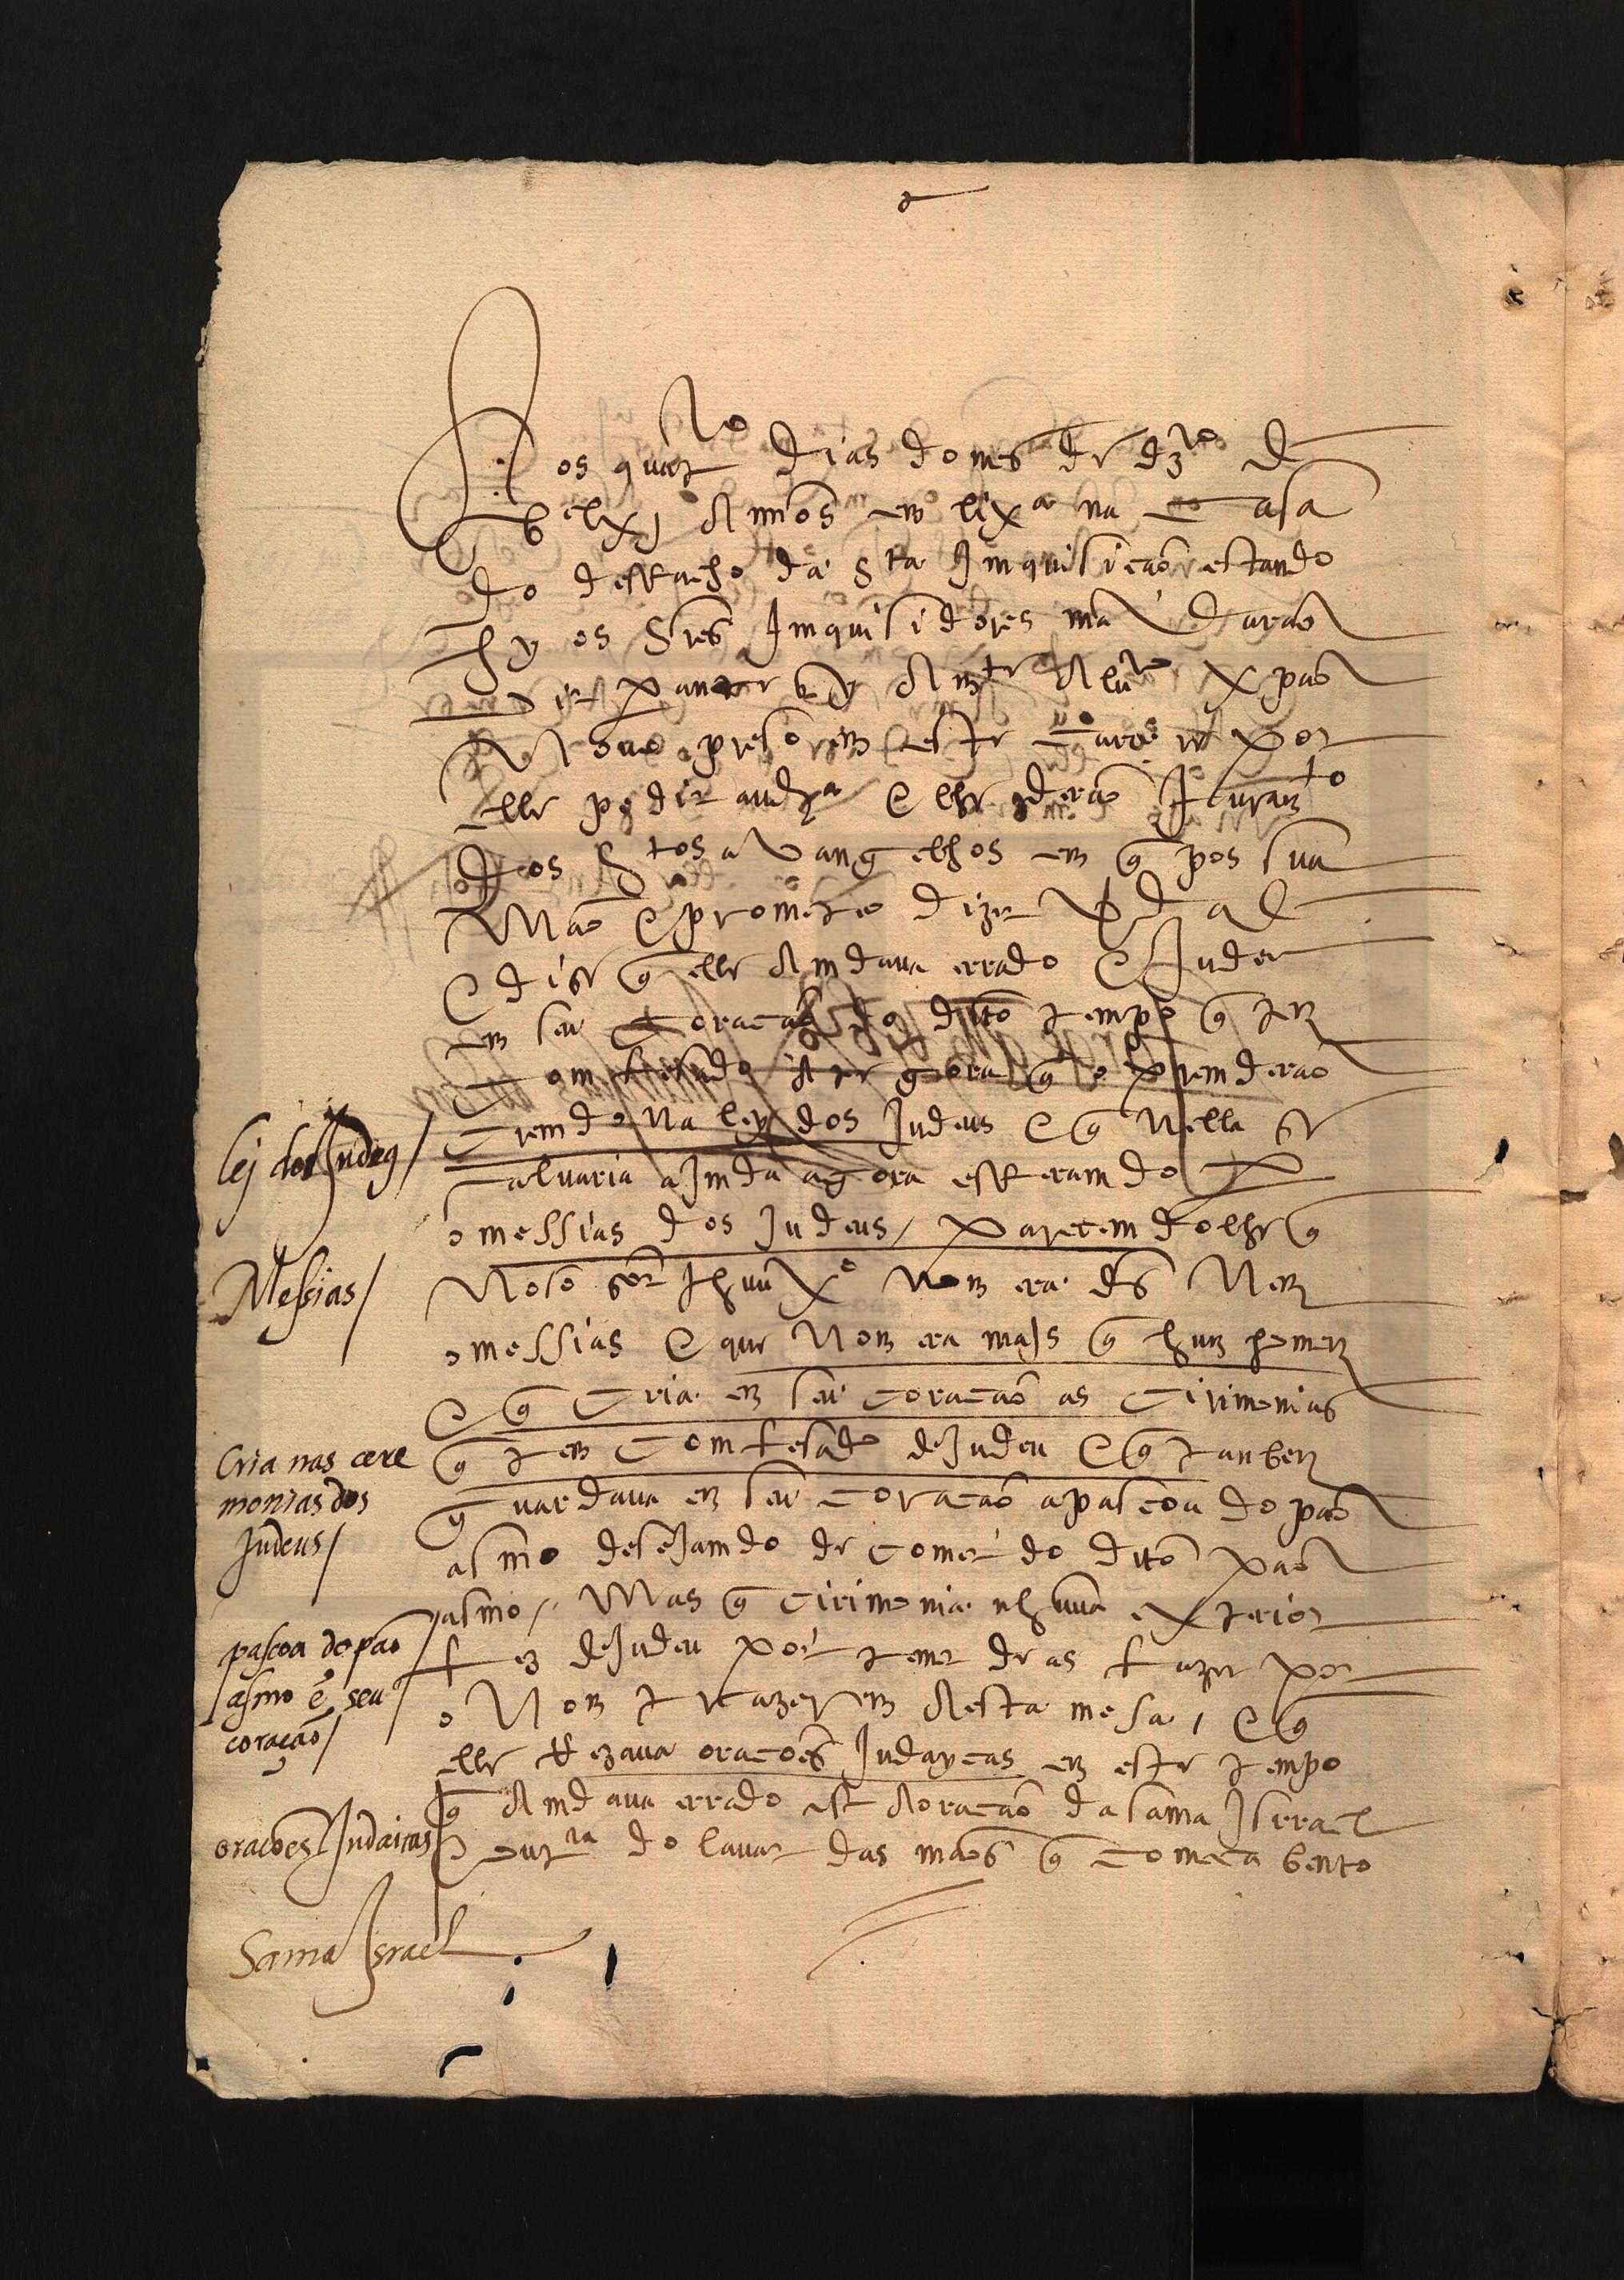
Aos quatro dias do mes de dzro de
j̄ bc lxj Annōs em lixa na Casa
do despacho da Sta Jmquisiçaõ estando
hy os Srēs Jmquisidores mādaraõ
vir ꝑante sy A mte Aluro Xpaõ
Nouo preso em este Carcere por
elle pedir audja e lhe derão Juramto
dos Stos avangelhos em q̄ pos sua
mão e prometeo dizer ꝟdade
e dise q̅ elle Amdaua errado e Judeu
em seu Coraçaõ do dito tempo q̄ tem
Comfesado Atee gora q̄ o premderaõ
Cremdo na ley dos Judeus e q̄ nella se
lej dos Judeꝯ /
saluaria aJmda agora esperamdo ꝑ
o messias dos Judeus / parecemdolhe q̄
Noso sōr Jhuu Xo nom era ds̄ nem
Messias
o messias e que nom era maJs q̄ hum homem
e q̄ cria em seu coração as cirimonias
q̄ tem Comfesado de Judeu e q̄ tanbem
Cria nas cere
monias dos
Judeus /
guardaua em seu coração a pascoa do paõ
asmo deseJamdo de comer do ditō paõ
asmo /. Mas q̄ cirimonia nhūua exterior
pascoa do pão
asmo ē seu
coraçaõ
fez de Judeu por temer de as fazer por
o Nom trazerem A esta mesa / e q̄
elle Rezaua oraçoẽs Judaycas em este tempo
q̄ Amdaua errado -s- A oraçaõ da sama Jsrrael
orações Judaicas
e outra do lauar das mãos q̄ começa bento
Sama Jsrael
